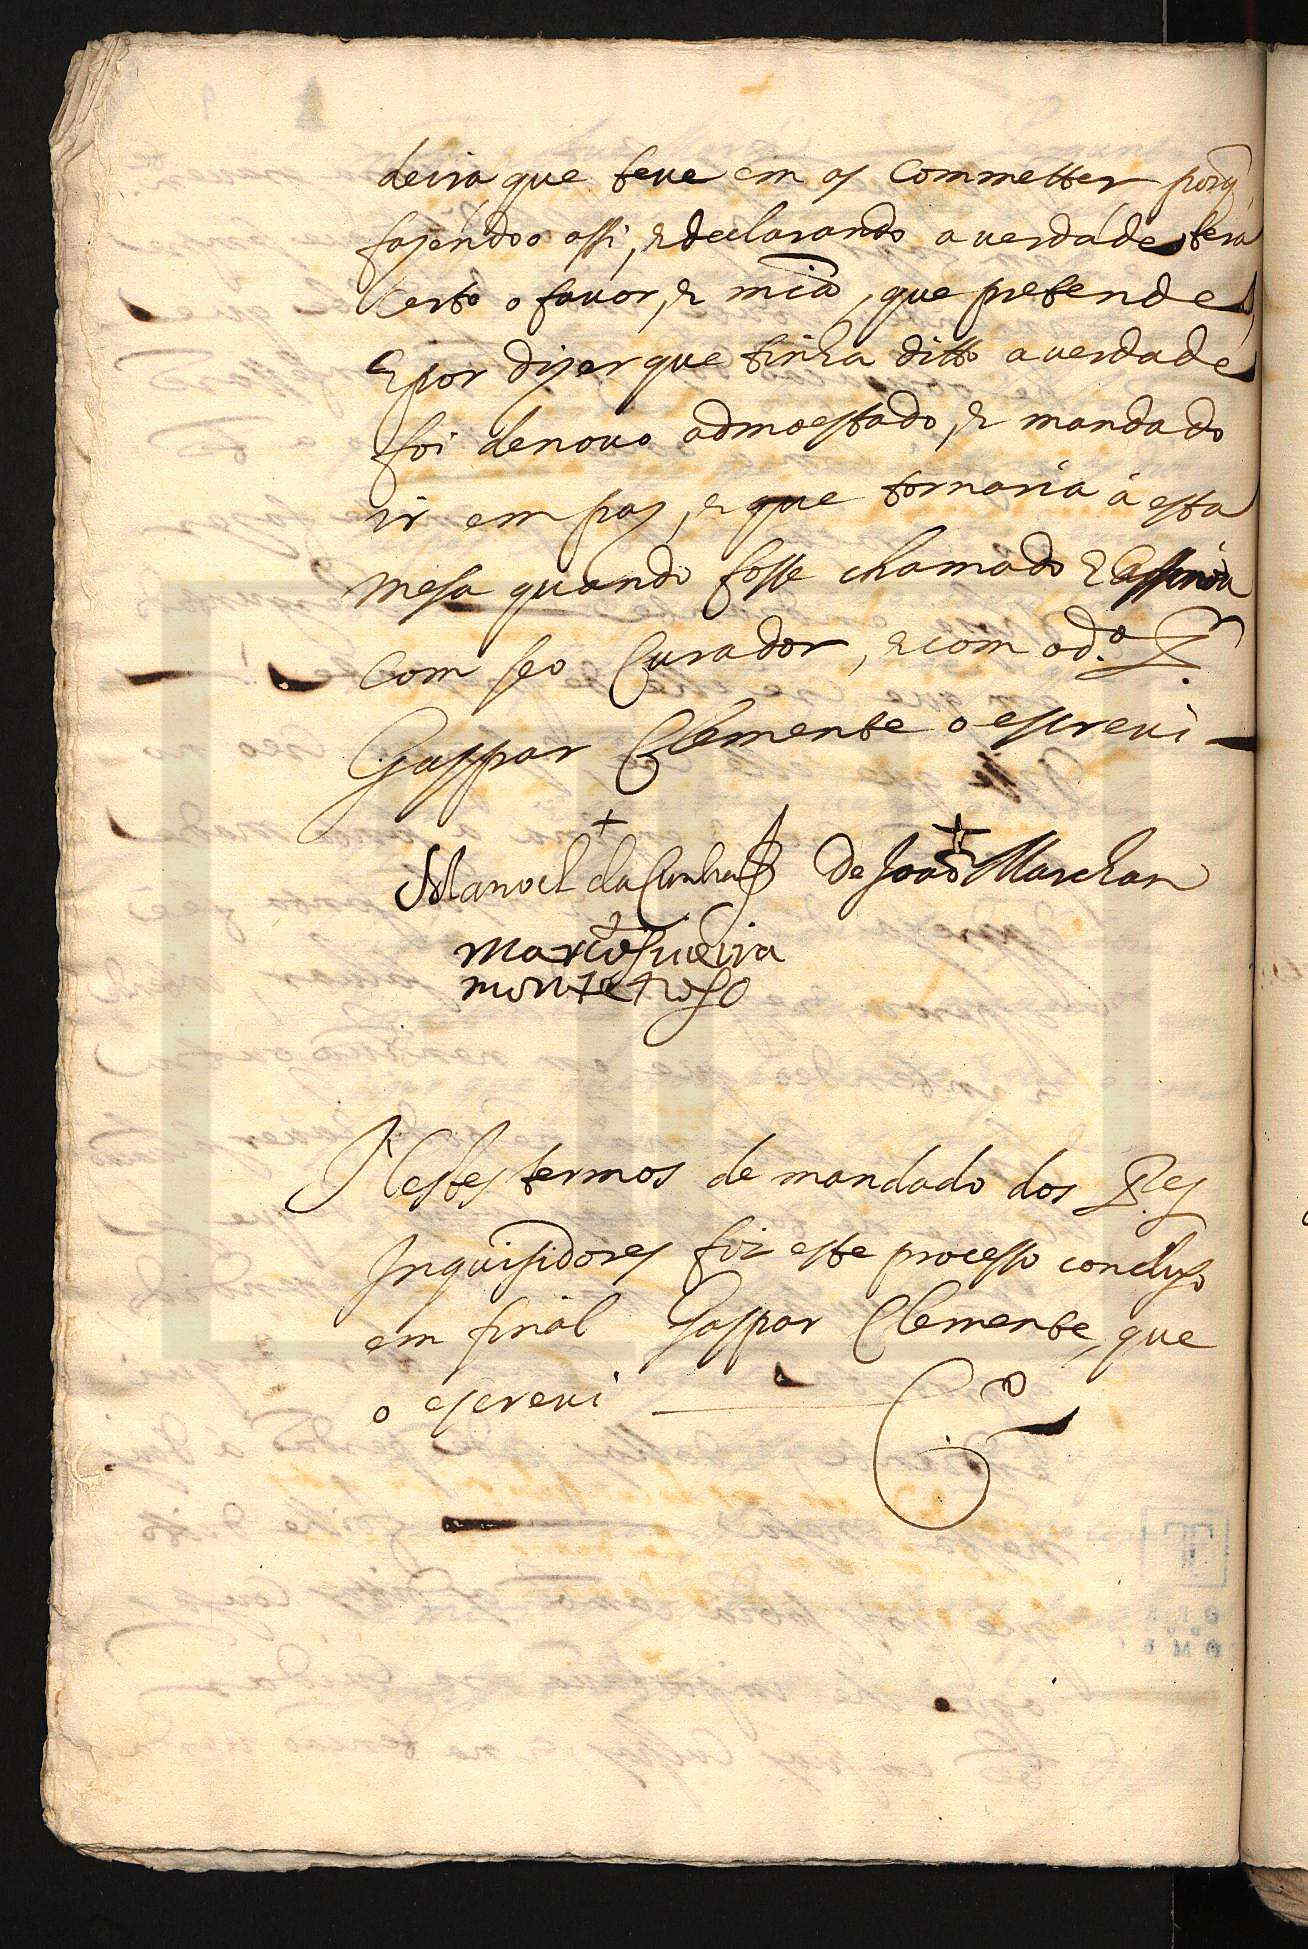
deira que teue em as commetter porq̄
fazendoo assi, E declarando a uerdade terá
certo o fauor, E mīa, que pretende
E por dizer que tinha ditto a uerdade
foi de nouo admoestado, E mandado
ir em paz, E que tornaria a esta
mesa quando fosse chamado E assinou
com seo Curador, E com o d.o s.r
Gaspar Clemente o escreui
Manoel da Cunha
de Joaõ Marchan
marcos uieira
monteRojo
Nestes termos de mandado dos s.res
Jnquisidores fiz este processo concluso
em final Gaspar Clemente, que
o escreui
Co
